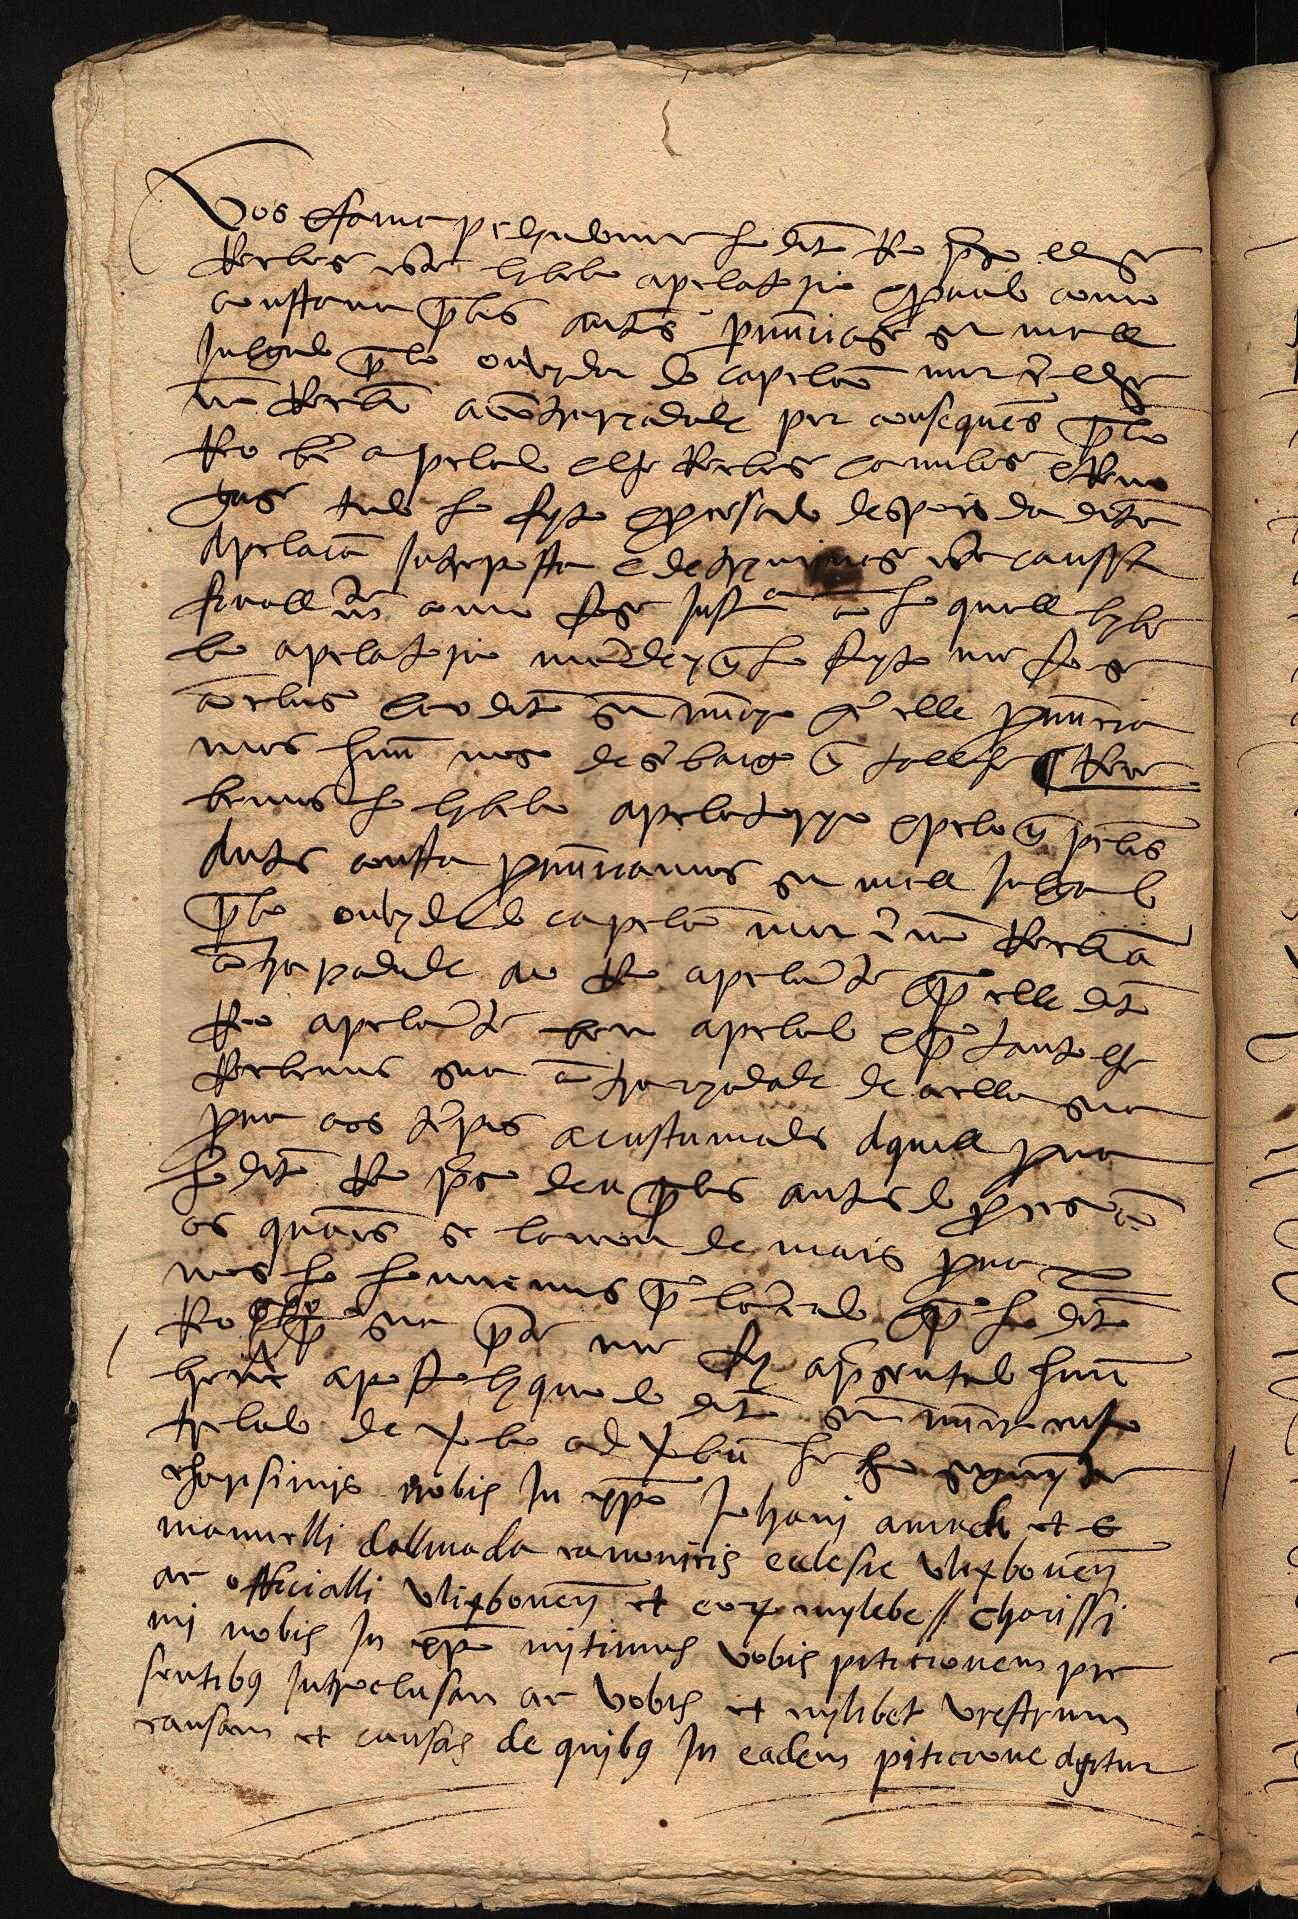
Vos e fama pedjndome ho dito Reo p̄so lhe
Recebese este ljbelo apelatorio e ꝓuado como
constaua p̄los autos ꝓnūciase ser mall
Julgado p̄lo ouvydor do capelaõ mor ē lhe
n̄o Receb̄r a cōtraryadade per consequēs p̄lo
Reo bē apelado e lhe Recebese e anulase e Reuo
gase todo ho feyto e ꝓcesado despois da dita
Apelaçā Jntreposta e detryminase esta caussa
finallmte como fose Justa c̄o ho quall lybe
lo apelatorio mādey q̄ ho feyto me fose
c̄ocluso e ao dito s̄or nūcyo e ē elle ꝓnūcia
mos huū noso desēbargo q̄ tall he ¶ Rece
bemos ho ljbelo apelatoryo e pelo q̄ pelos
Autos consta ꝓnūciamos ser mall Julgado
p̄lo ouvjdor do capelā mor ē nō Receb̄r a
c̄otraryadade ao Reo apelāte e p̄o elle dito
Reo apelāte bem apelado e p̄otanto lhe
Recebemos sua c̄otraryadade de a ella sua
ꝓua aos tēpos acustumados A quall ꝓua
ho dito Reo p̄so deu p̄los autos do ꝓces c̄o
os quaes se lançou de mais ꝓua e
nos ho houuemos p̄o lāçado e p̄o ho dito
Reo p̄so p̄o sua p̄te me foy ap̄sentado huū
breue apostolyquo do dito sōr nūcyo cuJo
trelado de ꝟbo ad ꝟbū he ho seguȳte
charisimjs nobis In xp̄o Johanj amadi et E
manuellj dallmada canonjcis ecclesie vlixbonēn
ac officialli vlixbonēn et eoꝝ cuylibe .//. Charissi
mj nobis Jn x̄po mjtimus vobis piticionem pre
sentibꝯ Jntroclusam ac vobis et cujlibet vrestrum
causam et causas de qujbꝯ Jn eadem piticione agitur
